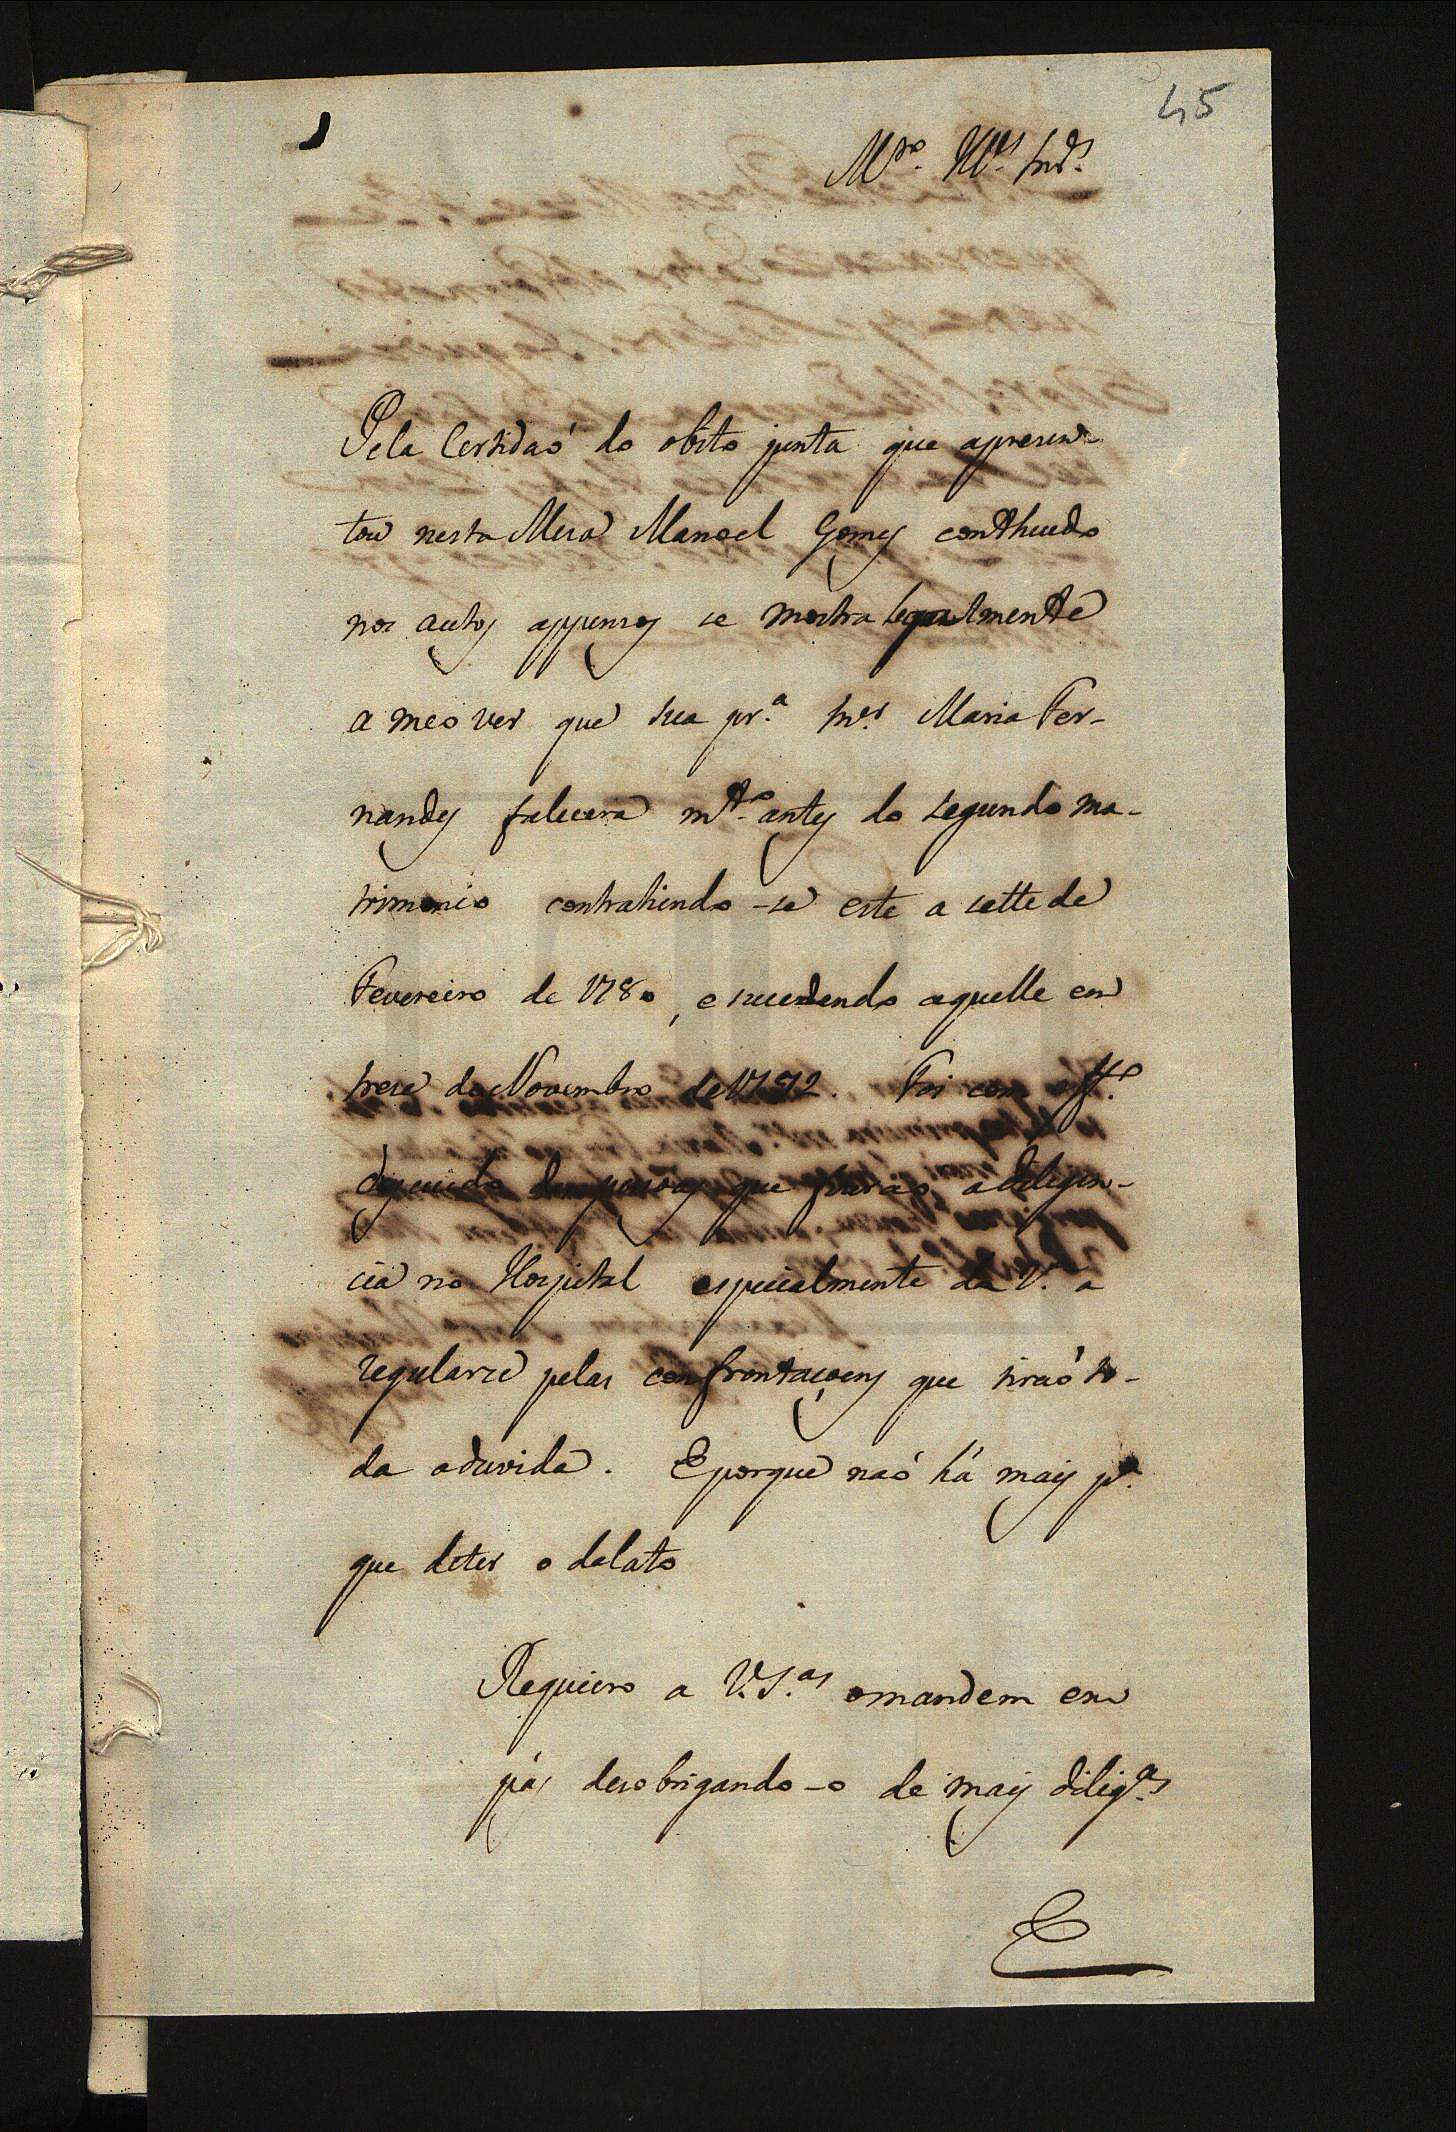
M.to Ill.es Snr.es
Pela certidaõ do obito junta que apresen
tou nesta Meza Manoel Gomes contheudo
nos autos appensos se mostra legalmente
a meo ver que sua pr.a m.er Maria Fer
nandes falecera m.to antes do segundo ma
trimonio, contrahindo-se este a sette de
Fevereiro de 1780, e sucedendo aquelle em
treze de Novembro de 1772. Foi com eff.o
descuido das pessoas que fizeraõ a deligen
cia no Hospital especilmente da V.a a
Regularce pelas confrontaçoens que tiraõ to
da a duvida. E porque naõ há mais p.a
que deter o delato
Requeiro a V.S.as o mandem em
pás desobrigando-o de mais dilig.as
E
